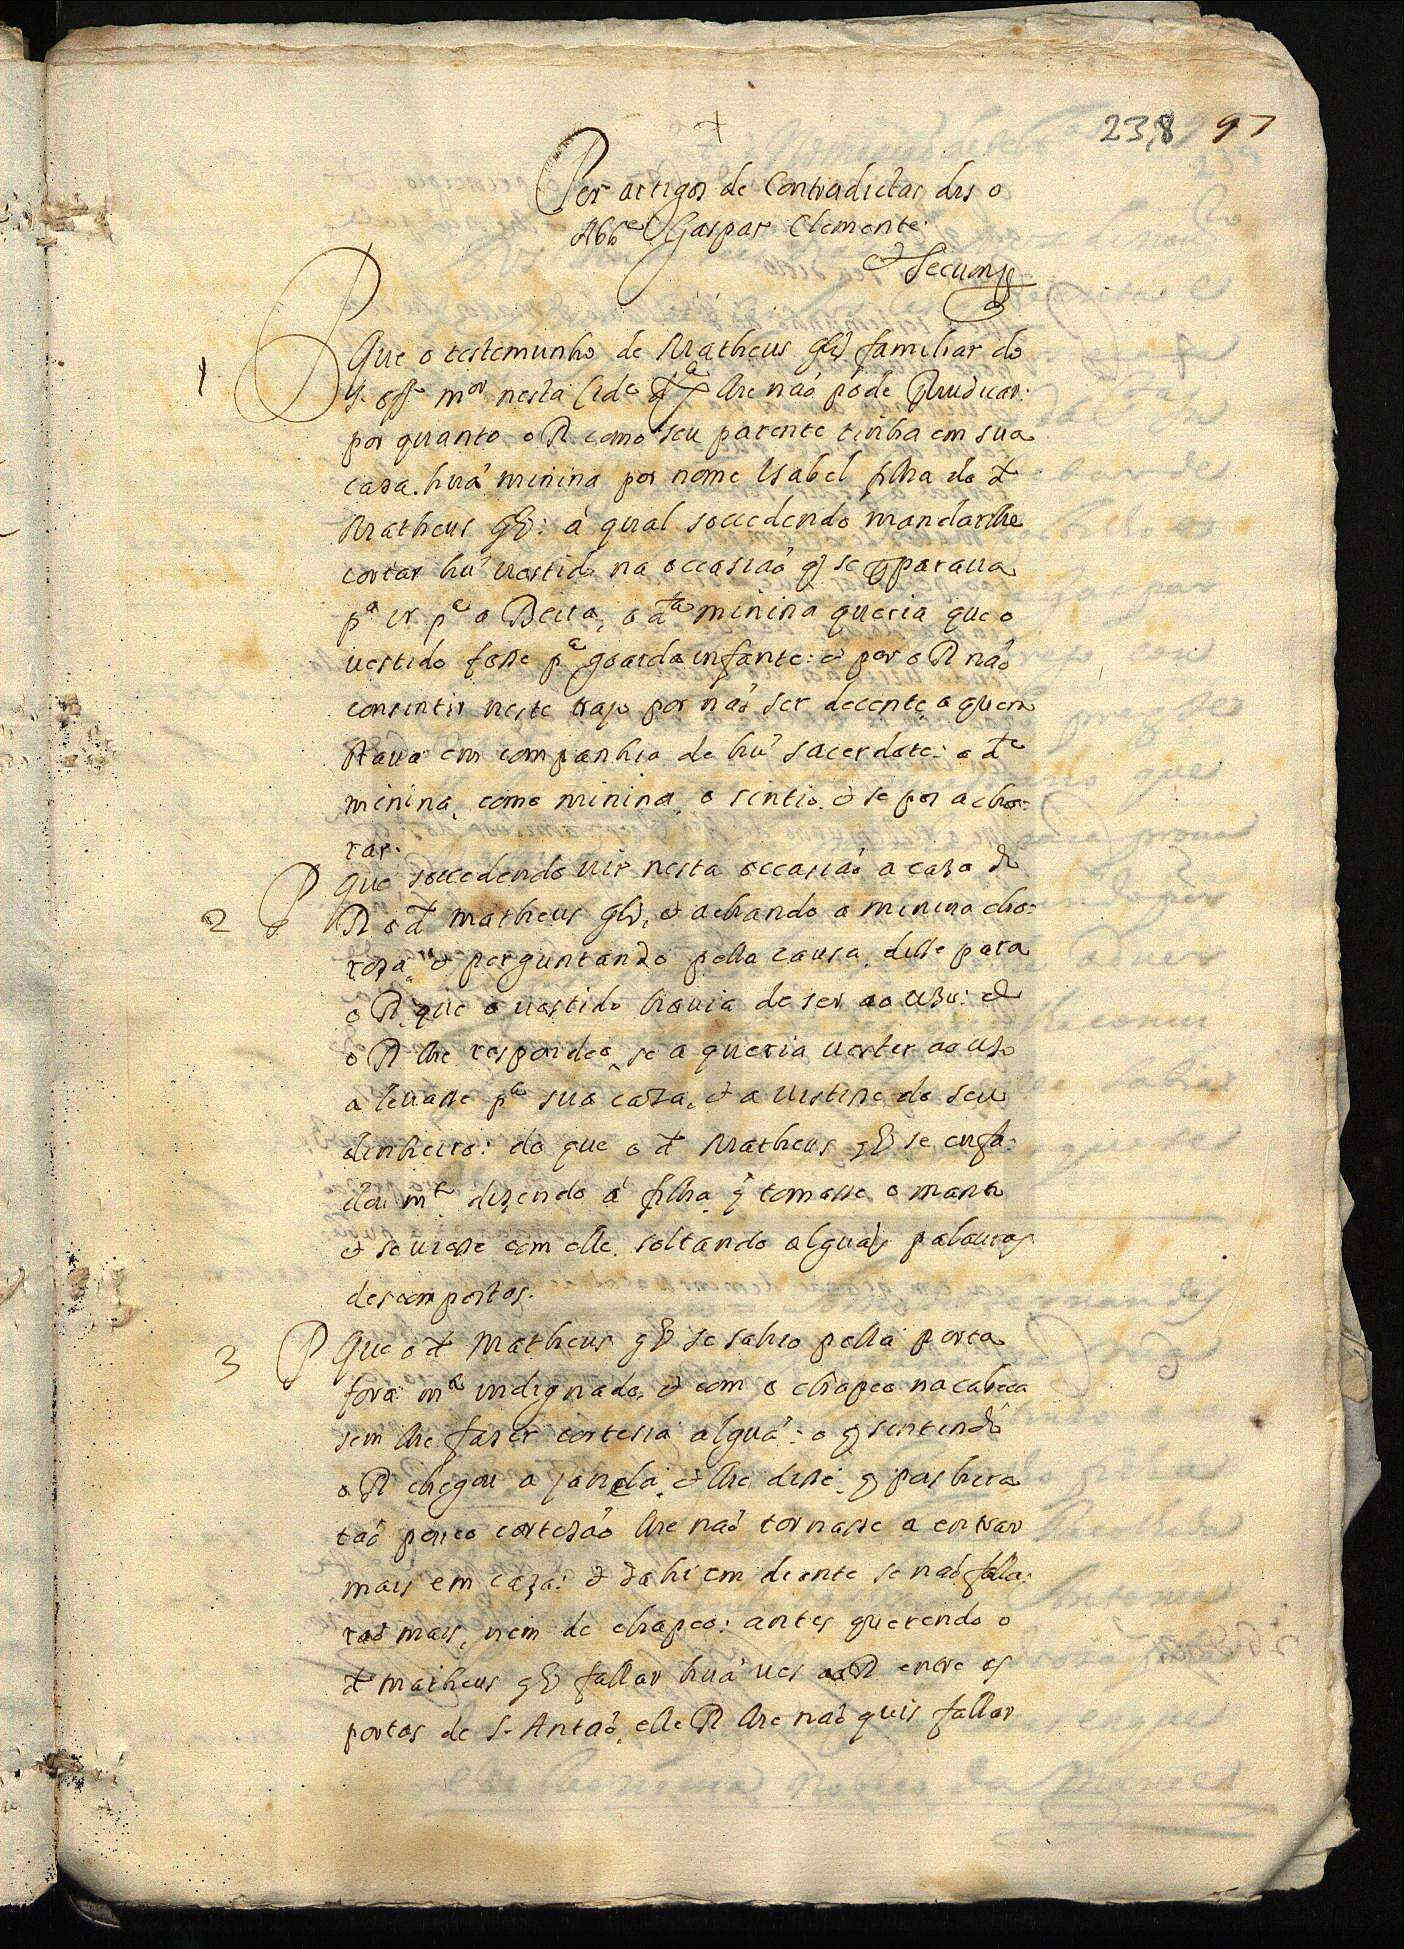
Por artigos de contradictas dis o
Abbe Gaspar Clemente.
& secuor
1
P que o testemunho de Matheus glz̄ familiar do
s. offo mor nesta Cide d̄ Lxa lhe naõ pode pRiudicar.
porquanto o R como seu parente tinha em sua
casa huā menina por nome Isabel filha do d̄
Matheus glz̄: a qual soccedendo mandarlhe
cortar hū uestido na occasiaõ q̄ se p̄paraua
pa ir pa a Beira, a d̄a menina queria que o
uestido fosse pa goarda enfante: e por o R naõ
consentir neste trajo por naõ ser decente, a quem
staua em companhia de hū sacerdote: a d̄a
minina, como minina, o sintio & se pos a cho
rar.
2
P que soccedendo uir nesta occasiaõ a caza do
R o d̄ matheus glz̄, e achando a minina cho
roza, & perguntando pella causa disse pera
o R que o uestido hauia de ser ao uzo: &
o R lhe respondeo se a queria uerter ao uso
a leuasse pa sua caza, & a uestisse de seu
dinheiro: do que o d̄ Matheus glz se enfa
dou mto dizendo à filha q̄ tomasse o manto
& se uiesse com elle soltando alguās palauras
descompostos.
3
P que o d̄ Matheus glz se sahio pella porta
fora mto indignado, & com o chapeo na cabeça
sem lhe faser cortesia alguā: o q̄ sentindo
o R chegou a janela, & lhe disse q̄ pas hera
taõ pouco cortesaõ lhe naõ tornasse a entrar
mais em caza: & dahi em diante se naõ falla
raõ mais, nem de chapeo: antes querendo o
d̄ matheus glz fallar huā ues ao R entre as
portas de S. Antaõ, elle R lhe naõ quis fallar
